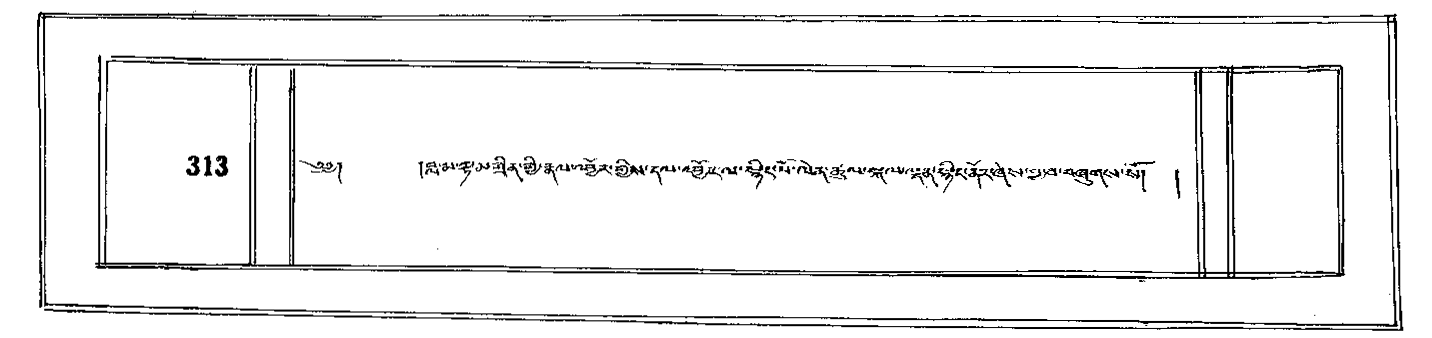༄༅། །བླ་མ་རྟ་མགྲིན་གྱི་རྣལ་འབྱོར་གྱིས་དལ་འབྱོར་ལ་སྙིང་བོ་ལེན་ཚུལ་སྐལ་ལྡན་སྙིང་ནོར་ཞེས་བྱ་བ་བཞུགས་སོ། །